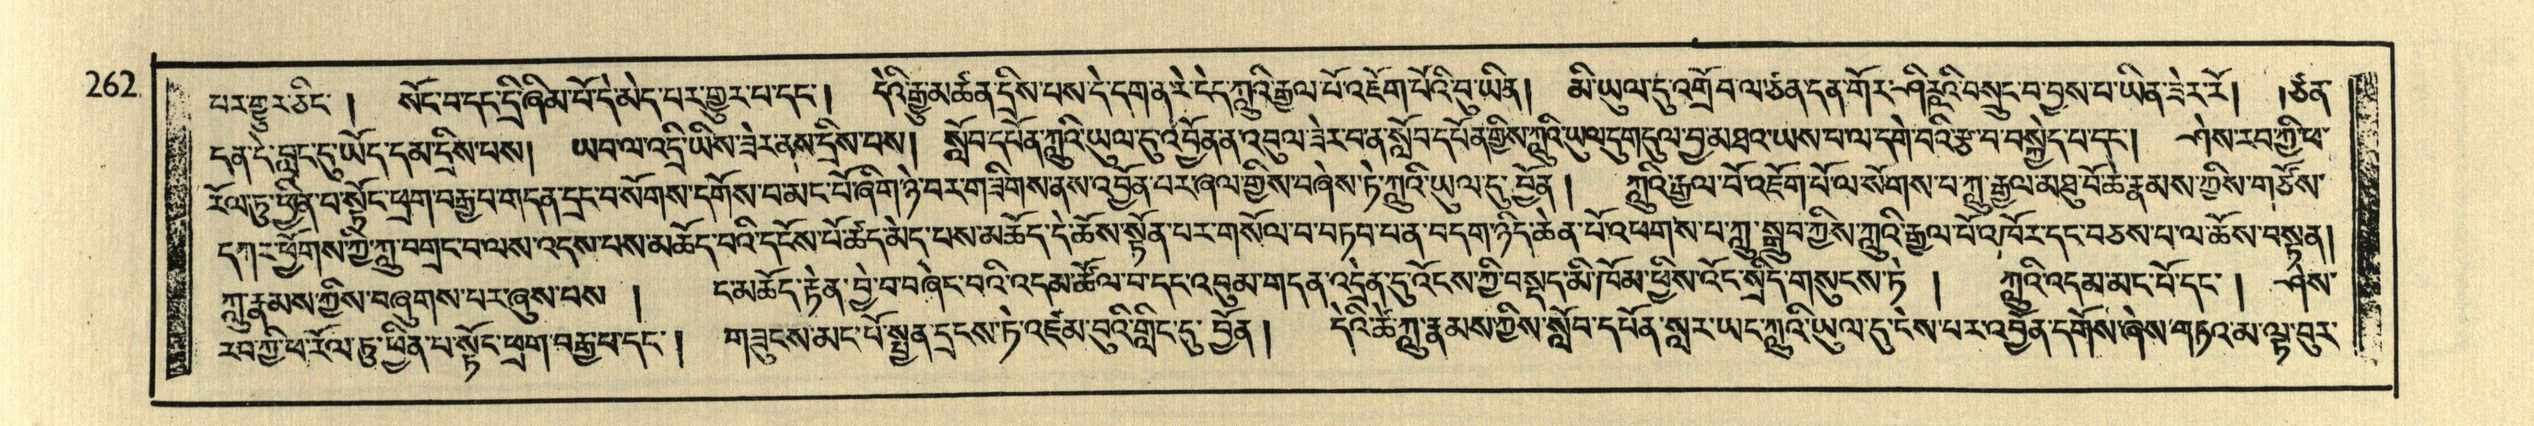པར་གྱུར་ཅིང་། སོང་བ་དང་དྲི་ཞིམ་པོ་དེ་མེད་པར་གྱུར་པ་དང་། དེའི་རྒྱུ་མཚན་དྲིས་པས་དེ་དག་ན་རེ་ངེད་ཀླུའི་རྒྱལ་པོ་འཇོག་པའི་བུ་ཡིན། མི་ཡུལ་དུ་འགྲོ་བ་ལ་ཙན་དན་གོར་ཤིརྵའི་བསྲུང་བ་བྱས་པ་ཡིན་ཟེར་རོ། །ཙན་
དན་དེ་བླང་དུ་ཡོད་དམ་དྲིས་པས། ཡབ་ལ་འདྲི་ཡིས་ཟེར་ནས་དྲིས་པས། སློབ་དཔོན་ཀླུའི་ཡུལ་དུ་འབྱོན་ན་འབུལ་ཟེར་བ་ན་སློབ་དཔོན་གྱིས་ཀླུའི་ཡུལ་དུ་གདུལ་བྱ་མཐའ་ཡས་པ་ལ་དགེ་བའི་རྩ་བ་བསྐྱེད་པ་དང་། ཤེས་རབ་ཀྱི་ཕ་
རོལ་ཏུ་ཕྱིན་པ་སྟོང་ཕྲག་བརྒྱ་པ་གདན་དྲང་བ་སོགས་དགོས་པ་མང་པོ་ཞིག་ཉེ་བར་གཟིགས་ནས་འབྱོན་པར་ཞལ་གྱིས་བཞེས་ཏེ་ཀླུའི་ཡུལ་དུ་བྱོན། ཀླུའི་རྒྱལ་པོ་འཇོག་པོ་ལ་སོགས་པ་ཀླུ་རྒྱལ་མཐུ་བོ་ཆེ་རྣམས་ཀྱིས་གཙོས་
དཀར་ཕྱོགས་ཀྱི་ཀླུ་བགྲང་བ་ལས་འདས་པས་མཆོད་པའི་དངོས་པོ་ཚད་མེད་པས་མཆོད་དེ་ཆོས་སྟོན་པར་གསོལ་བ་བཏབ་པ་ན་བདག་ཉིད་ཆེན་པོ་འཕགས་པ་ཀླུ་སྒྲུབ་ཀྱིས་ཀླུའི་རྒྱལ་པོ་འཁོར་དང་བཅས་པ་ལ་ཆོས་བསྟན།
ཀླུ་རྣམས་ཀྱིས་བཞུགས་པར་ཞུས་པས། ང་མཆོད་རྟེན་བྱེ་བ་བཞེང་བའི་འདམ་ཚོལ་བ་དང་འབུམ་གདན་འདྲེན་དུ་འོངས་ཀྱི་བསྡད་མི་ཁོམ་ཕྱིས་འོང་སྲིད་གསུངས་ཏེ། ཀླུའི་འདམ་མང་པོ་དང་། ཤེས་
རབ་ཀྱི་ཕ་རོལ་ཏུ་ཕྱིན་པ་སྟོང་ཕྲག་བརྒྱ་པ་དང་། གཟུངས་མང་པོ་སྤྱན་དྲངས་ཏེ་འཛམ་བུའི་གླིང་དུ་བྱོན། དེའི་ཚེ་ཀླུ་རྣམས་ཀྱིས་སློབ་དཔོན་སླར་ཡང་ཀླུའི་ཡུལ་དུ་ངེས་པར་འབྱོན་དགོས་ཞེས་གཏའ་མ་ལྟ་བུར་